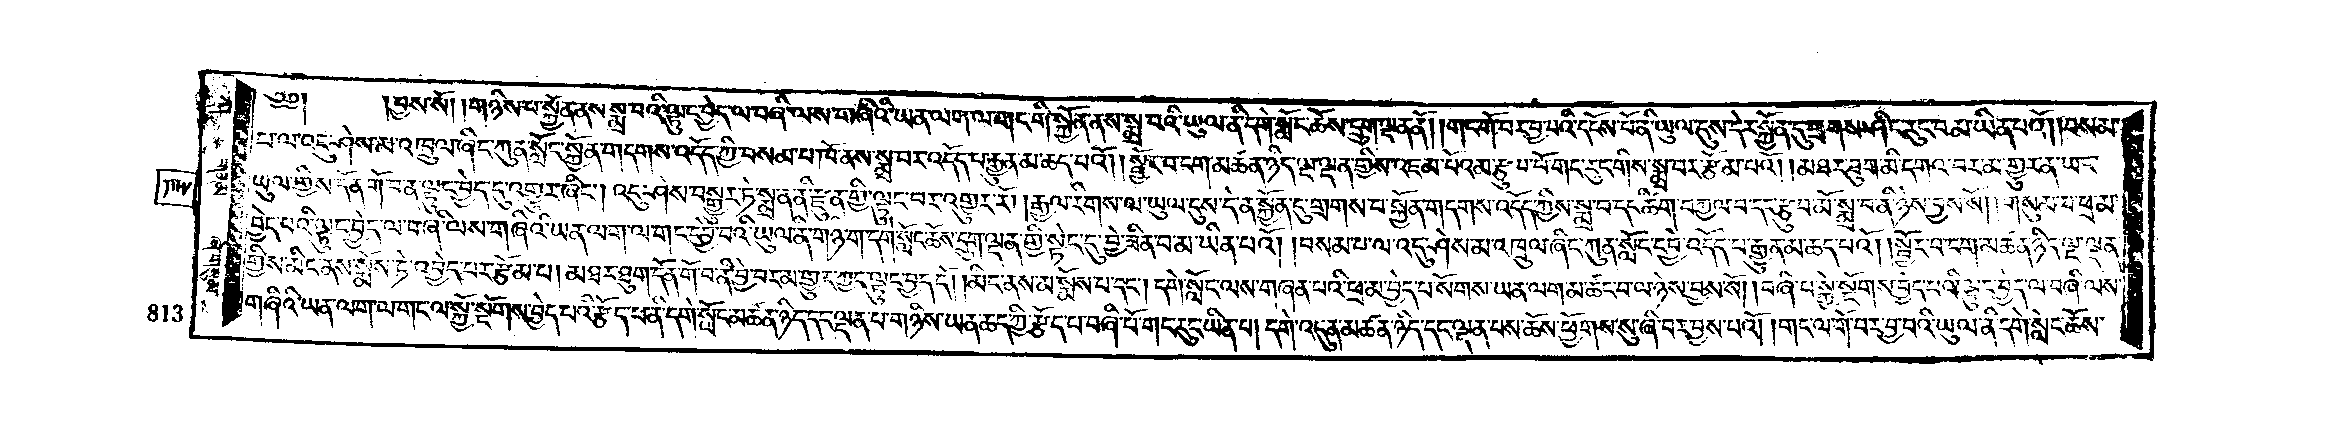༄༅། །བྱས་སོ། །གཉིས་པ་སྐྱོན་ནས་སྨྲ་བའི་ལྟུང་བྱེད་ལ་བཞི་ལས་གཞིའི་ཡན་ལག་ལ་གང་གི་སྐྱོན་ནས་སྨྲ་བའི་ཡུལ་ནི་དགེ་སློང་ཆོས་དྲུག་ལྡན་ནོ། །གང་གོ་བར་བྱ་བའི་དངོས་པོ་ནི་ཡུལ་དུས་དེར་སྐྱོན་དུ་གྲགས་ཤིང་རུང་བ་མ་ཡིན་པའོ། །བསམ་
པ་ལ་འདུ་ཤེས་མ་འཁྲུལ་ཞིང་ཀུན་སློང་སྐྱོན་གདགས་འདོད་ཀྱི་བསམ་པ་ཁོ་ནས་སྨྲ་བར་འདོད་པ་རྒྱུན་མ་ཆད་པའོ། །སྦྱོར་བ་ངག་མཚན་ཉིད་ལྔ་ལྡན་གྱིས་འཇམ་པོའམ་རྩུབ་པོ་གང་རུང་གིས་སྨྲ་བར་རྩོམ་པའོ། །མཐར་ཐུག་མི་དགའ་བར་མ་གྱུར་ན་ཡང་
ཡུལ་གྱིས་དོན་གོ་བ་ན་ལྟུང་བྱེད་དུ་འགྱུར་ཞིང་། འདུ་ཤེས་བསྒྱུར་ཏེ་སྨྲ་ན་ནི་རྫུན་གྱི་ལྟུང་བར་འགྱུར་རོ། །རྒྱལ་རིགས་ལ་ཡུལ་དུས་དེ་ན་སྐྱོན་དུ་གྲགས་པ་སྐྱོན་གདགས་འདོད་ཀྱིས་སྨྲ་བ་དང་ཚིག་བཀྱལ་བ་དང་རྩུབ་མོ་སྨྲ་བ་ནི་ཉེས་བྱས་སོ། །གསུམ་པ་ཕྲ་མ་
བྱེད་པའི་ལྟུང་བྱེད་ལ་བཞི་ལས་གཞིའི་ཡན་ལག་ལ་གང་དབྱེ་བའི་ཡུལ་ནི་གཉི་ག་དགེ་སློང་ཆོས་དྲུག་ལྡན་གྱི་སྟེང་དུ་བྱེ་ཟིན་བ་མ་ཡིན་པའོ། །བསམ་པ་ལ་འདུ་ཤེས་མ་འཁྲུལ་ཞིང་ཀུན་སློང་དབྱེ་འདོད་པ་རྒྱུན་མ་ཆད་པའོ། །སྦྱོར་བ་ངག་མཚན་ཉིད་ལྔ་ལྡན་
གྱིས་མིང་ནས་སྨོས་ཏེ་འབྱེད་པར་རྩོམ་པ། མཐར་ཐུག་དོན་གོ་བ་ནི་བྱེ་བར་མ་གྱུར་ཀྱང་ལྟུང་བྱེད་དོ། །མིང་ནས་མ་སྨོས་པ་དང་། དགེ་སློང་ལས་གཞན་པའི་ཕྲ་མ་བྱེད་པ་སོགས་ཡན་ལག་མ་ཚང་བ་ལ་ཉེས་བྱས་སོ། །བཞི་པ་སྐྱེ་སྔོགས་བྱེད་པའི་ལྟུང་བྱེད་ལ་བཞི་ལས་
གཞིའི་ཡན་ལག་ལ་གང་ལ་སྐྱོ་སྔོགས་བྱེད་པའི་རྩོད་པ་ནི་དགེ་སློང་མཚན་ཉིད་དང་ལྡན་པ་གཉིས་ཡན་ཆད་ཀྱི་རྩོད་པ་བཞི་པོ་གང་རུང་ཡིན་པ། དགེ་འདུན་མཚན་ཉིད་དང་ལྡན་པས་ཆོས་ཕྱོགས་སུ་ཞི་བར་བྱས་པའོ། །གང་ལ་གོ་བར་བྱ་བའི་ཡུལ་ནི་དགེ་སློང་ཆོས་